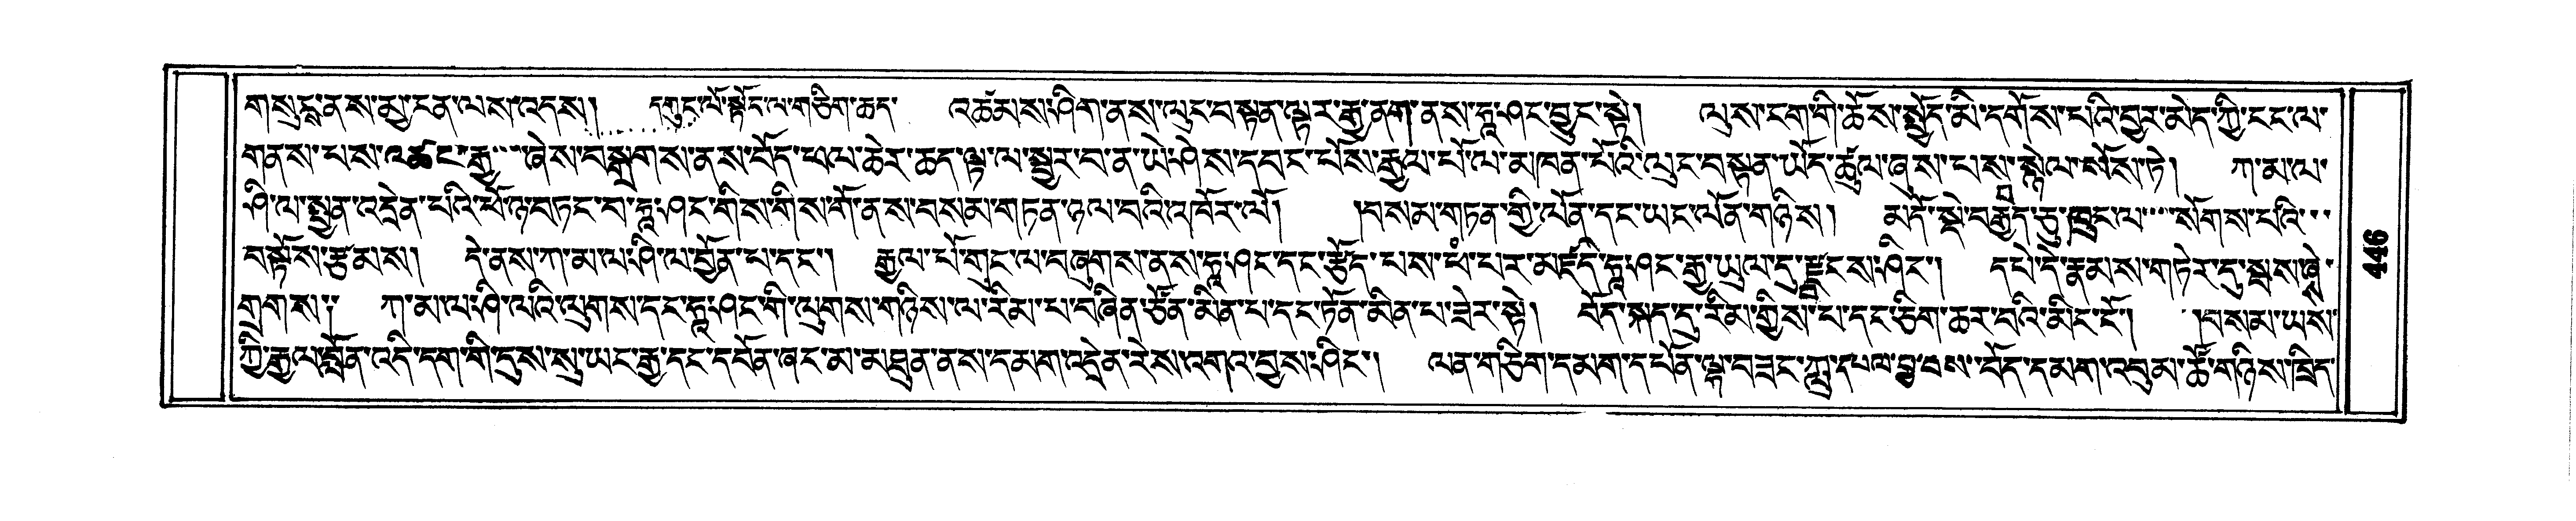གསུངས་ནས་མྱ་ངན་ལས་འདས། དགུང་ལོ་སྟོང་ལ་གཅིག་ཆད་འཚམས་ཤིག་ནས་ལུང་བསྟན་ལྟར་རྒྱ་ནག་ནས་ཧཱ་ཤང་བྱུང་སྟེ། ལུས་ངག་གི་ཆོས་སྤྱོད་མི་དགོས་པའི་བྱར་མེད་ཀྱི་ངང་ལ་
གནས་པས་འཚང་རྒྱ་ཞེས་བསྒྲགས་ནས་བོད་ཕལ་ཆེར་ཆད་ལྟ་ལ་སྦྱར་བ་ན་ཡེ་ཤེས་དབང་པོས་རྒྱལ་པོ་ལ་མཁན་པོའི་ལུང་བསྟན་ཡོད་ཚུལ་ཞུས་པས་སྙེལ་སོས་ཏེ། ཀ་མ་ལ་
ཤི་ལ་སྤྱན་འདྲེན་པའི་ཕོ་ཉ་བཏང་བ་ཧཱ་ཤང་གིས་གིས་གོ་ནས་བསམ་གཏན་ཉལ་བའི་འཁོར་ལོ། །བསམ་གཏན་གྱི་ལོན་དང་ཡང་ལོན་གཉིས། མདོ་སྡེ་བརྒྱད་ཅུ་ཁུང་ལ་སོགས་པའི་
བསྟོས་རྩམས། དེ་ནས་ཀ་མ་ལ་ཤི་ལ་བྱོན་པ་དང་། རྒྱལ་པོ་གུང་ལ་བཞུགས་ནས་ཧཱ་ཤང་དང་རྩོད་པས་ཕཾ་པར་མཛད་ཧཱ་ཤང་རྒྱ་ཡུལ་དུ་རྫངས་ཤིང་། དཔེ་དེ་རྣམས་གཏེར་དུ་སྦས་ཞེས་
གྲགས༑ ཀ་མ་ལ་ཤི་ལའི་ལུགས་དང་ཧཱ་ཤང་གི་ལུགས་གཉིས་ལ་རིམ་པ་བཞིན་ཙོན་མིན་པ་དང་ཏོན་མིན་པ་ཟེར་སྟེ། བོད་སྐད་དུ་རིམ་གྱིས་པ་དང་ཅིག་ཆར་བའི་མིང་ངོ། །བསམ་ཡས་
ཀྱི་རྒྱལ་བློན་འདི་དག་གི་དུས་སུ་ཡང་རྒྱ་དང་དབོན་ཞང་མ་མཐུན་ནས་དམག་འདྲེན་རེས་འགའ་བྱས་ཤིང་། ལན་གཅིག་དམག་དཔོན་ལྷ་བཟང་ཀླུ་དཔལ་བྱ་བས་བོད་དམག་འབུམ་ཚོ་གཉིས་ཁྲིད་